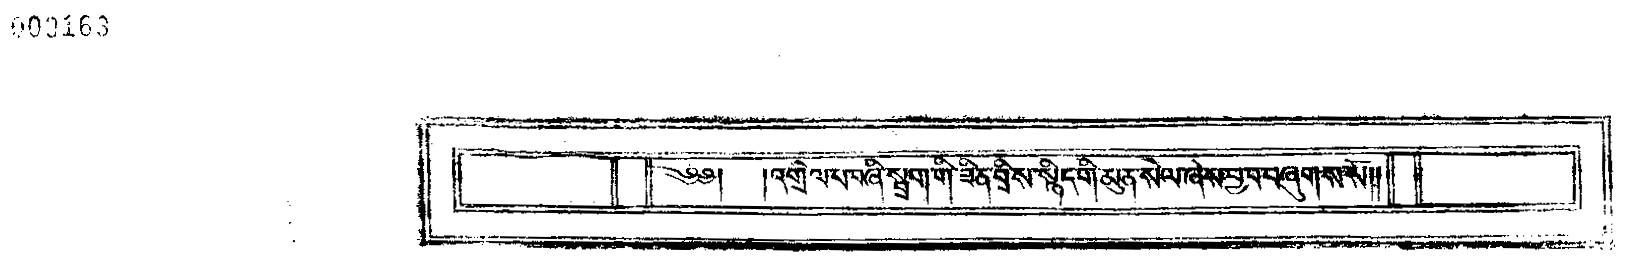༄༅། །འགྲེལ་པ་བཞི་སྦྲག་གི་ཟིན་བྲིས་སྙིང་གི་མུན་སེལ་ཞེས་བྱ་བ་བཞུགས་སོ། །